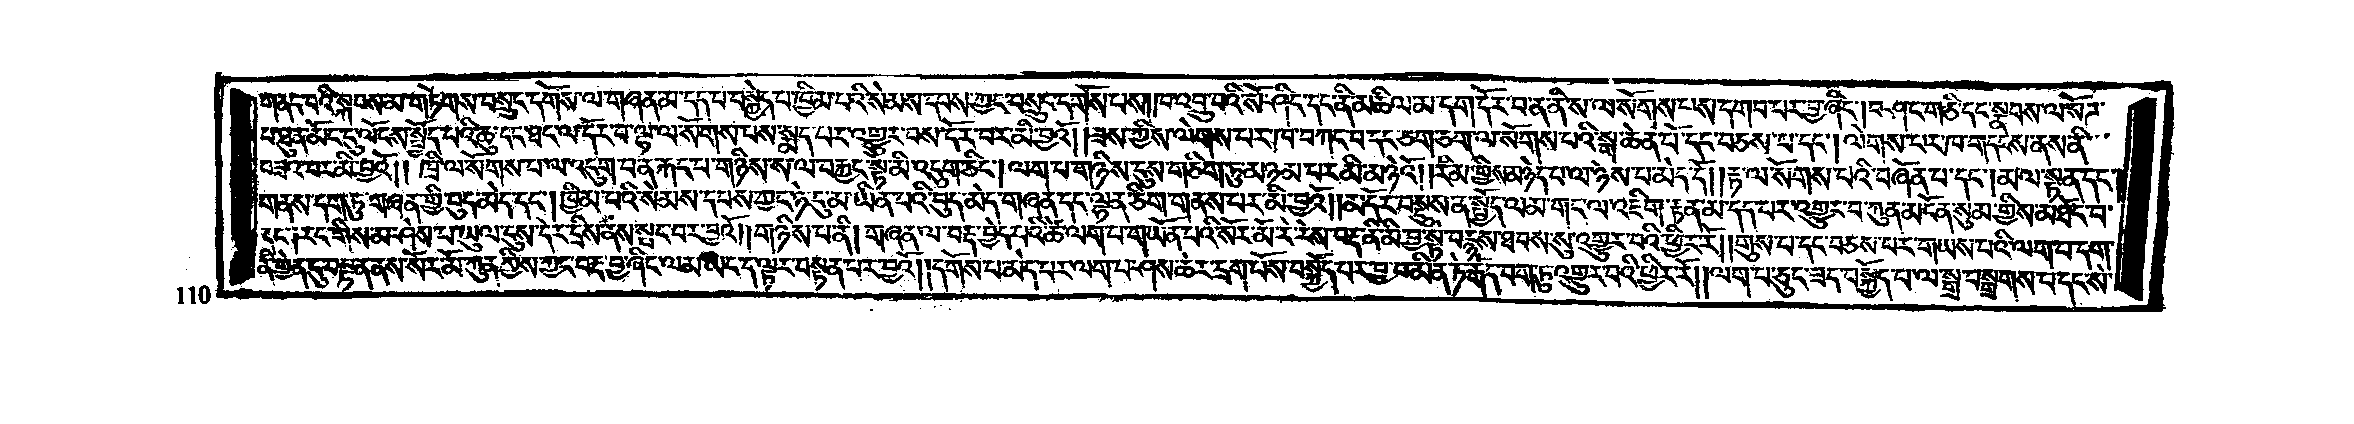གནང་བའི་སྐབས་མ་གཏོགས་བསྲུང་དོགས་ལ་གཞན་མ་དད་པ་བསྐྱེད་པ་ཁྱིམ་པའི་སེམས་དཔས་ཀྱང་བསྲུང་དགོས་པས། བ་འབྲུ་བའི་སོ་ཤིང་དང་ནི་མཆིལ་མ་དག་དོར་བ་ན་ནི་ས་ལ་སོགས་པས་དགབ་པར་བྱ་ཞིང་། བཤད་གཅི་དང་སྣབས་ལ་སོགས་
པ་ཐུན་མོང་དུ་ལོངས་སྤྱོད་པའི་ཚུ་དང་ཐང་ལ་དོར་བ་ལྷ་ལ་སོགས་པས་སྨད་པར་འགྱུར་བས་དོར་བར་མི་བྱའོ། །ཟས་ཀྱིས་ལེགས་པར་ཁ་བཀང་བ་དང་ཅག་ཅག་ལ་སོགས་པའི་སྒ་ཆེན་པོ་དང་བཅས་པ་དང་། ལེགས་པར་ཁ་གདངས་ནས་ནི་
བཟའ་བར་མི་བྱའོ། །ཁྲི་ལ་སོགས་པ་ལ་འདུག་པ་ན་རྐང་པ་གཉིས་ས་ལ་བརྐྱང་སྟེ་མི་འདུག་ཅིང་། ལག་པ་གཉིས་དུས་གཅིག་ཏུ་མཉམ་པར་མི་མ་ཉེའོ། །རིམ་གྱིས་མྱེད་པ་ལ་ཉེས་པ་མེད་དོ། །རྟ་ལ་སོགས་པའི་བཞོན་པ་དང་། མ་ལ་སྟན་དང་།
གནས་དག་ཏུ་གཞན་གྱི་བུད་མེད་དང་། ཁྱིམ་པའི་སེམས་དཔས་ཀྱང་ཉེ་དུ་མ་ཡིན་པའི་བུད་མེད་གཞན་དང་ལྷན་ཅིག་གནས་པར་མི་བྱའོ། །མདོར་བསྡུས་ན་སྤྱོད་ལམ་གང་ལ་འཇིག་རྟེན་མ་དད་པར་འགྱུར་བ་ཀུན་མངོན་སུམ་གྱིས་མཐོང་བ་
དང༑ རང་གིས་མ་ཤེས་པ་ཡུལ་དུས་དེར་དྲིས་ནས་སྤང་བར་བྱའོ། །གཉིས་པ་ནི། གཞན་ལ་བརྡ་བྱེད་པའི་ཚེ་ལག་པ་གཡོན་པའི་སོར་མོ་རེ་རེས་བརྡ་ནི་མི་བྱ་སྟེ། བརྙས་ཐབས་སུ་འགྱུར་བའི་ཕྱིར་རོ། །གུས་པ་དང་བཅས་པར་གཡས་པའི་ལག་པ་དག་
ནི་གྱེན་དུ་བསྟན་ནས་སོར་མོ་ཀུན་གྱིས་ཀྱང་བརྡ་བྱ་ཞིང་ལམ་ཡང་ད་ལྟར་བསྟན་པར་བྱའོ། །དགོས་པ་མེད་པར་ལག་པ་ཤེས་ཆེར་དྲག་པོས་བསྐྱོད་པར་བྱ་བ་མིན་ཏེ་རྒོད་བག་ཏུ་འགྱུར་བའི་ཕྱིར་རོ། །ལག་པ་ཅུང་ཟད་བསྐྱོད་པ་ལ་སྒྲ་བསྒྲགས་པ་དང་སེ་